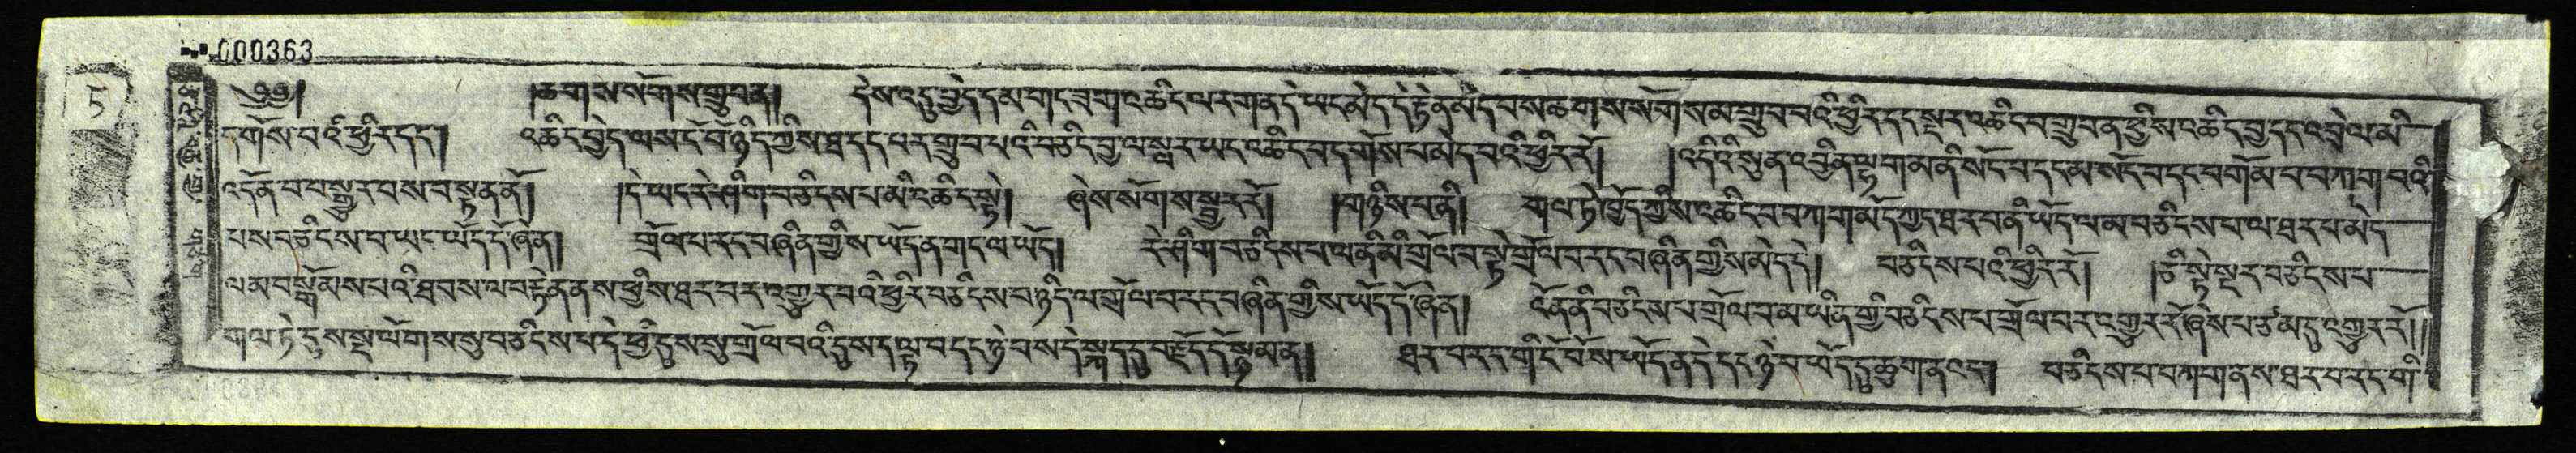༄༅། །ཆགས་སོགས་གྲུབ་ན། དེས་འདུ་བྱེད་དམ་གང་ཟག་འཆིང་ལ་རག་ན་དེ་ཡང་མེད་དེ་རྟེན་མེད་པས་ཆགས་སོགས་མ་གྲུབ་པའི་ཕྱིར་དང་སྔར་འཆིང་བ་གྲུབ་ན་ཕྱིས་འཆིང་བྱ་དང་འབྲེལ་མི་
དགོས་པའི་ཕྱིར་དང་། འཆིང་བྱེད་ལས་ངོ་བོ་ཉིད་ཀྱིས་ཐ་དད་པར་གྲུབ་པའི་བཅིང་བྱ་ལ་སླར་ཡང་འཆིང་བ་དགོས་པ་མེད་པའི་ཕྱིར་རོ། །འདིའི་སུན་འབྱིན་ལྷག་མ་ནི་སོང་བ་དང་མ་སོང་བ་དང་བགོམ་པ་བཀག་པའི་
འདོན་པ་བསྒྱུར་བས་བསྟན་ནོ། །དེ་ཡང་རེ་ཤིག་བཅིངས་པ་མི་འཆིང་སྟེ། ཞེས་སོགས་སྦྱར་རོ། །གཉིས་པ་ནི། གལ་ཏེ་ཁྱོད་ཀྱིས་འཆིང་བ་བཀག་མོད་ཀྱང་ཐར་བ་ནི་ཡོད་ལ་མ་བཅིངས་པ་ལ་ཐར་པ་མེད་
པས་བཅིངས་བ་ཡང་ཡོད་དོ་ཞེ་ན། གྲོལ་པ་རང་བཞིན་གྱིས་ཡོད་ན་གང་ལ་ཡོད། རེ་ཤིག་བཅིངས་པ་ལ་ནི་མི་གྲོལ་བ་སྟེ་གྲོལ་བ་རང་བཞིན་གྱིས་མེད་དེ། བཅིངས་པའི་ཕྱིར་རོ། །ཅི་སྟེ་སྔར་བཅིངས་པ་
ལམ་བསྒོམས་པའི་ཐབས་ལ་བརྟེན་ནས་ཕྱིས་ཐར་བར་འགྱུར་བའི་ཕྱིར་བཅིངས་བ་ཉིད་ལ་གྲོལ་བ་རང་བཞིན་གྱིས་ཡོད་དོ་ཞེ་ན། འོ་ན་ནི་བཅིངས་པ་གྲོལ་བ་མ་ཡིན་གྱི་བཅིངས་པ་གྲོལ་བར་འགྱུར་རོ་ཞེས་པ་ཙམ་དུ་འགྱུར་རོ། །
གལ་ཏེ་དུས་སྔ་ལོགས་སུ་བཅིངས་པ་དེ་ཕྱི་དུས་སུ་གྲོལ་བའི་དུས་ད་ལྟ་བ་དང་ཉེ་བས་དེ་སྐད་དུ་བརྗོད་དོ་སྙམ་ན། ཐར་པ་རང་གི་ངོ་བོས་ཡོད་ན་དེ་དང་ཉེ་བ་ཡོད་དུ་ཆུག་ནའང་། བཅིངས་པ་བཀག་ནས་ཐར་བ་རང་གི་